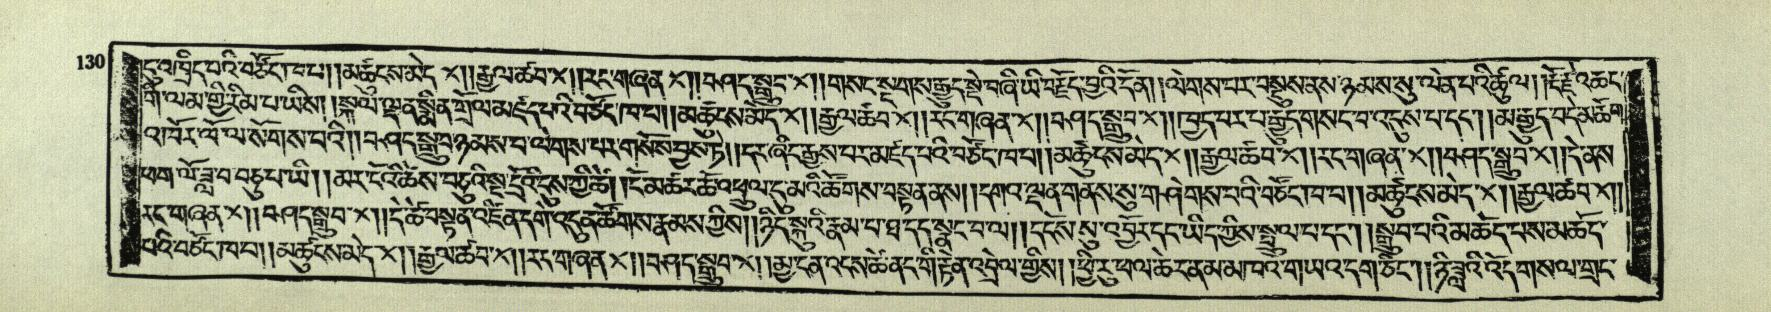དུ་འཁྲིད་པའི་བཙོང་ཁ་པ། །མཚུངས་མེད་྾། །རྒྱལ་ཚབ་྾། །རང་གཞན་྾། །བཤད་སྒྲུབ་྾། །གསང་སྔགས་རྒྱུད་སྡེ་བཞི་ཡི་བརྗོད་བྱའི་དོན། །ལེགས་པར་བསྡུས་ནས་ཉམས་སུ་ལེན་པའི་ཚུལ། །རྡོ་རྗེ་འཆང་
གི་ལམ་གྱི་རིམ་པ་ཡིས། །སྐལ་ལྡན་སྨིན་གྲོལ་མཛད་པའི་བཙོང་ཁ་པ། །མཚུངས་མེད་྾། །རྒྱལ་ཚབ་྾། །རང་གཞན་྾། །བཤད་སྒྲུབ་྾། །ཁྱད་པར་པ་རྒྱུད་གསང་བ་འདུས་པ་དང་། །མ་རྒྱུད་བདེ་མཆོག་
འཁོར་ལོ་ལ་སོགས་པའི། །བཤད་སྒྲུབ་ཉམས་བ་ལེགས་པར་གསོས་བྱས་ཏེ། །དར་ཞིང་རྒྱས་པར་མཛད་པའི་བཙོང་ཁ་པ། །མཚུངས་མེད་྾། །རྒྱལ་ཚབ་྾། །རང་གཞན་྾། །བཤད་སྒྲུབ་྾། །དེ་ནས་
ཕག་ལོ་ཟླ་བ་བཅུ་པ་ཡི། །མར་ངོའི་ཆོས་བཅུའི་སྔ་དྲོའི་དུས་ཀྱི་ཚེ། །ངོ་མཚར་ཆོ་འཕྲུལ་དུ་མའི་ཚོགས་བསྟན་ནས། །དགའ་ལྡན་གནས་སུ་གཤེགས་པའི་བཙོང་ཁ་པ། །མཚུངས་མེད་྾། །རྒྱལ་ཚབ་྾། །
རང་གཞན་྾། །བཤད་སྒྲུབ་྾། །དེ་ཚེ་བསྟན་འཛིན་དགེ་འདུན་ཚོགས་རྣམས་ཀྱིས། །ཉིད་སྐུའི་རྣམ་པ་ཐ་དད་སྣང་བ་ལ། །དངོས་སུ་འབྱོར་དང་ཡིད་ཀྱིས་སྤྲུལ་པ་དང་། །སྒྲུབ་པའི་མཆོད་པས་མཆོད་
པའི་བཙོང་ཁ་པ། །མཚུངས་མེད་྾། །རྒྱལ་ཚབ་྾། །རང་གཞན་྾། །བཤད་སྒྲུབ་྾། །མྱ་ངན་འདས་ཚེ་ནང་གི་རྟེན་འབྲེལ་གྱིས། །ཕྱི་རུ་ཕལ་ཆེར་ནམ་མཁའ་གཡའ་དག་ཅིང་། །ཉི་ཟླའི་འོད་གསལ་གྲང་